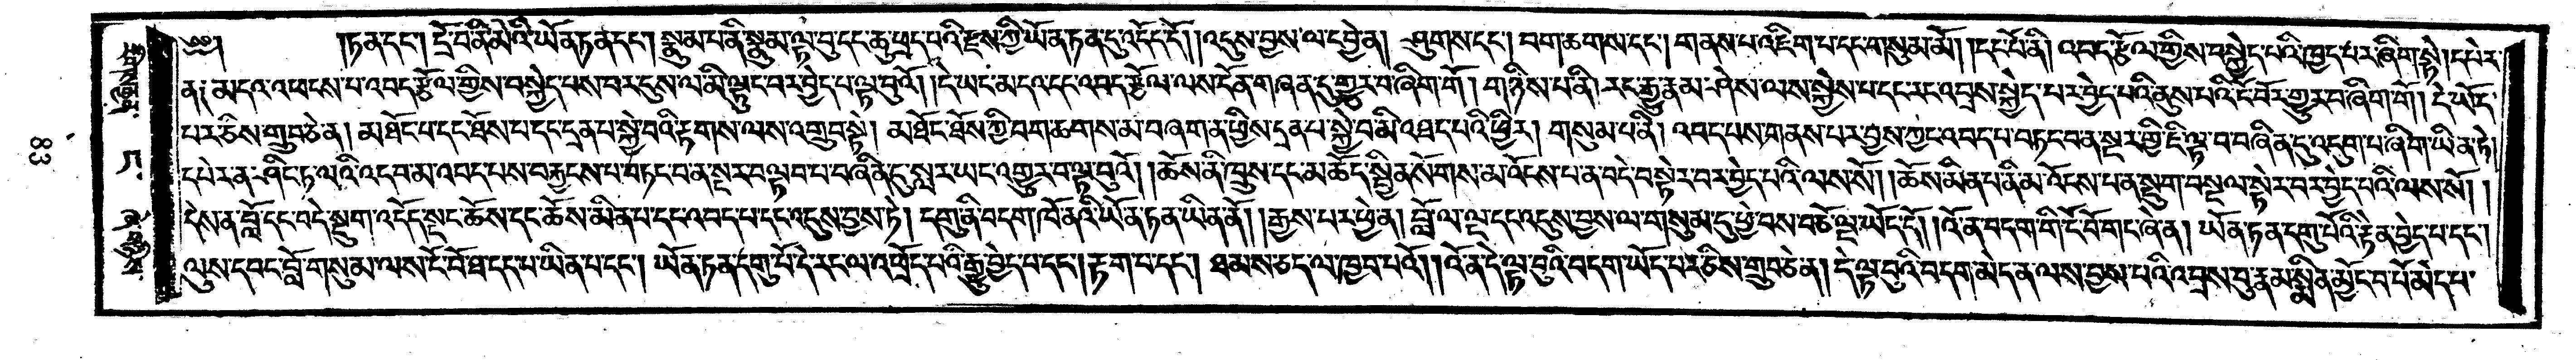༄༅། །ཏན་དང་། དྲོ་བ་ནི་མེའི་ཡོན་ཏན་དང་། སྣུམ་པ་ནི་སྣུམ་ལྟ་བུ་དང་ཆུ་ཕྲད་པའི་རྫས་ཀྱི་ཡོན་ཏན་དུ་འདོད་དོ། །འདུས་བྱས་ལ་དབྱེ་ན། ཤུགས་དང་། བག་ཆགས་དང་། གནས་པ་འཇིག་པ་དང་གསུམ་མོ། །དང་པོ་ནི། འབད་རྩོལ་གྱིས་བསྐྱེད་པའི་ཁྱད་པར་ཞིག་སྟེ། དཔེར་
ན༑ མདའ་འཕངས་པ་འབད་རྩོལ་གྱིས་བསྐྱེད་པས་བར་དུས་ལ་མི་ལྟུང་བར་བྱེད་པ་ལྟ་བུའོ། །དེ་ཡང་མདའ་དང་འབད་རྩོལ་ལས་དོན་གཞན་དུ་གྱུར་བ་ཞིག་གོ། གཉིས་པ་ནི། རང་རྒྱུ་རྣམ་ཤེས་ལས་སྐྱེས་པ་དང་རང་འབྲས་སྐྱེད་པར་བྱེད་པའི་ནུས་པའི་ངོ་བོར་གྱུར་པ་ཞིག་གོ། དེ་ཡོད་
པར་ཅིས་གྲུབ་ཅེ་ན། མཐོང་བ་དང་ཐོས་པ་དང་དྲན་པ་སྐྱེ་བའི་རྟགས་ལས་འགྲུབ་སྟེ། མཐོང་ཐོས་ཀྱི་བག་ཆགས་མ་བཞག་ན་ཕྱིས་དྲན་པ་སྐྱེ་བ་མི་འཐད་པའི་ཕྱིར། གསུམ་པ་ནི། འབད་པས་གནས་པར་བྱས་ཀྱང་འབད་པ་བཏང་བ་ན་སྔར་གྱི་ཇི་ལྟ་བ་བཞིན་དུ་འདུག་པ་ཞིག་ཡིན་ཏེ།
དཔེར་ན་ཤིང་ཏ་ལའི་འདབ་མ་འབད་པས་བརྐྱེངས་པ་བཏང་བ་ན་སྔར་བལྟབ་པ་བཞིན་དུ་སླར་ཡང་འགྱུར་བ་ལྟ་བུའོ། །ཆོས་ནི་ཁྲུས་དང་མཆོད་སྦྱིན་སོགས་མ་འོངས་པ་ན་བདེ་བ་སྟེར་བར་བྱེད་པའི་ལས་སོ། །ཆོས་མིན་པ་ནི་མ་འོངས་པ་ན་སྡུག་བསྔལ་སྟེར་བར་བྱེད་པའི་ལས་སོ། །
དེས་ན་བློ་དང་བདེ་སྡུག་འདོད་སྡང་ཆོས་དང་ཆོས་མིན་པ་དང་འབད་པ་དང་འདུས་བྱས་ཏེ། དགུ་ནི་བདག་ཁོ་ནའི་ཡོན་ཏན་ཡིན་ནོ། །རྒྱས་པར་ཕྱེ་ན། བློ་ལ་ལྔ་དང་འདུས་བྱས་ལ་གསུམ་དུ་ཕྱེ་བས་བཅོ་ལྔ་ཡོད་དོ། །འོ་ན་བདག་གི་ངོ་བོ་གང་ཞེ་ན། ཡོན་ཏན་དགུ་པོའི་རྟེན་བྱེད་པ་དང་།
ལུས་དབང་བློ་གསུམ་ལས་ངོ་བོ་ཐ་དད་པ་ཡིན་པ་དང་། ཡོན་ཏན་དགུ་པོ་དེ་རང་ལ་འཕྲོད་པའི་རྒྱུ་བྱེད་པ་དང་། རྟག་པ་དང་། ཐམས་ཅད་ལ་ཁྱབ་པའོ། །འོ་ན་དེ་ལྟ་བུའི་བདག་ཡོད་པར་ཅིས་གྲུབ་ཅེ་ན། དེ་ལྟ་བུའི་བདག་མེད་ན་ལས་བྱས་པའི་འབྲས་བུ་རྣམ་སྨིན་མྱོང་བ་པོ་མེད་པ་